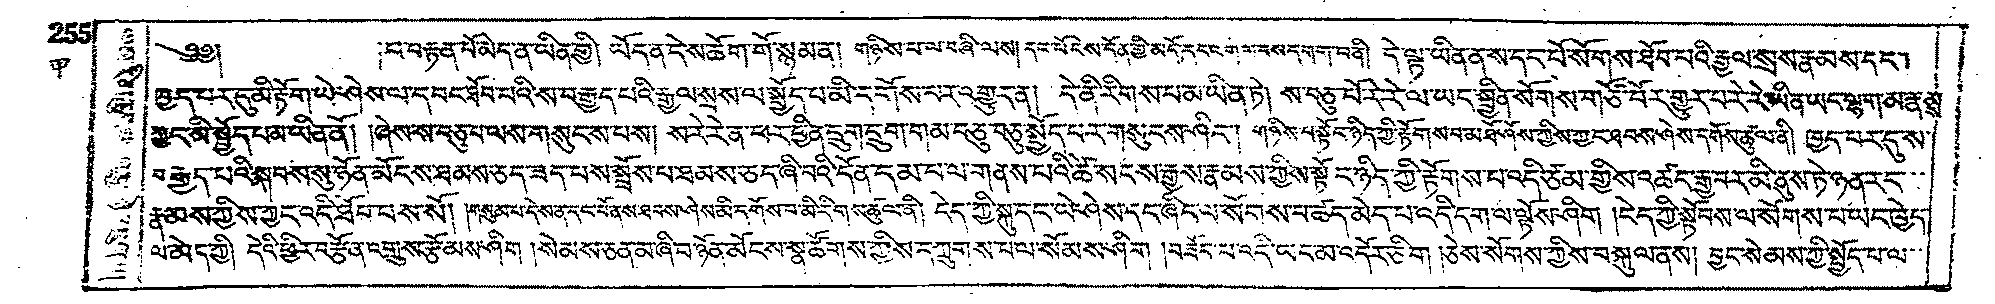༄༅། །པ་བརྟན་པོ་མེད་ན་ཡིན་གྱི། ཡོད་ན་དེས་ཆོག་གོ་སྙམ་ན། གཉིས་པ་ལ་བཞི་ལས། དང་པོ་ངེས་དོན་གྱི་མདོ་དང་འགལ་བས་དགག་པ་ནི།  དེ་ལྟ་ཡིན་ན་ས་དང་པོ་སོགས་ཐོབ་པའི་རྒྱལ་སྲས་རྣམས་དང་།
ཁྱད་པར་དུ་མི་རྟོག་ཡེ་ཤེས་ལ་དབང་ཐོབ་པའི་ས་བརྒྱད་པའི་རྒྱལ་སྲས་ལ་སྤྱོད་པ་མི་དགོས་པར་འགྱུར་ན། དེ་ནི་རིགས་པ་མ་ཡིན་ཏེ། ས་བཅུ་པོ་རེ་རེ་ལ་ཡང་སྦྱིན་སོགས་གཙོ་བོར་གྱུར་པ་རེ་རེ་ཡིན་ཡང་ལྷག་མ་རྣམས་
ཕ༹ཀྱང་མི་སྤྱོད་པ་མ་ཡིན་ནོ། །ཞེས་ས་བཅུ་པ་ལས་གསུངས་པས། ས་རེ་རེ་ན་ཕར་ཕྱིན་དྲུག་དྲུག་གམ་བཅུ་བཅུ་སྤྱོད་པར་གསུངས་ཤིང་། གཉིས་པ་སྟོང་ཉིད་ཀྱི་རྟོགས་པ་མཐོ་ཤོས་ཀྱིས་ཀྱང་ཐབས་ཤེས་དགོས་ཚུལ་ནི།  ཁྱད་པར་དུ་ས་
བརྒྱད་པའི་སྐབས་སུ་ཉོན་མོངས་ཐམས་ཅད་ཟད་པས་སྤྲོས་པ་ཐམས་ཅད་ཞི་བའི་དོན་དམ་པ་ལ་གནས་པའི་ཚེ་སངས་རྒྱས་རྣམས་ཀྱིས་སྟོང་ཉིད་ཀྱི་རྟོགས་པ་འདི་ཙམ་གྱིས་འཚང་རྒྱ་བར་མི་ནུས་ཏེ་ཉན་རང་
རྣམས་ཀྱིས་ཀྱང་འདི་ཐོབ་པས་སོ། །གསུམ་པ་དེས་ན་དང་པོ་ནས་ཐབས་ཤེས་མི་དགོས་པ་མི་རིགས་ཚུལ་ནི།  ངེད་ཀྱི་སྐུ་དང་ཡེ་ཤེས་དང་ཞིང་ལ་སོགས་པ་ཚད་མེད་པ་འདི་དག་ལ་ལྟོས་ཤིག །ངེད་ཀྱི་སྟོབས་ལ་སོགས་པ་ཡང་ཁྱེད་
ལ་མེད་ཀྱི། དེའི་ཕྱིར་བརྩོན་འགྲུས་རྩོམས་ཤིག །སེམས་ཅན་མ་ཞི་བ་ཉོན་མོངས་སྣ་ཚོགས་ཀྱིས་དཀྲུགས་པ་ལ་སྨོས་ཤིག །བཟོད་པ་འདི་ཡང་མ་འདོར་ཅིག །ཅེས་སོགས་ཀྱིས་བསྐུལ་ནས། བྱང་སེམས་ཀྱི་སྤྱོད་པ་ལ་